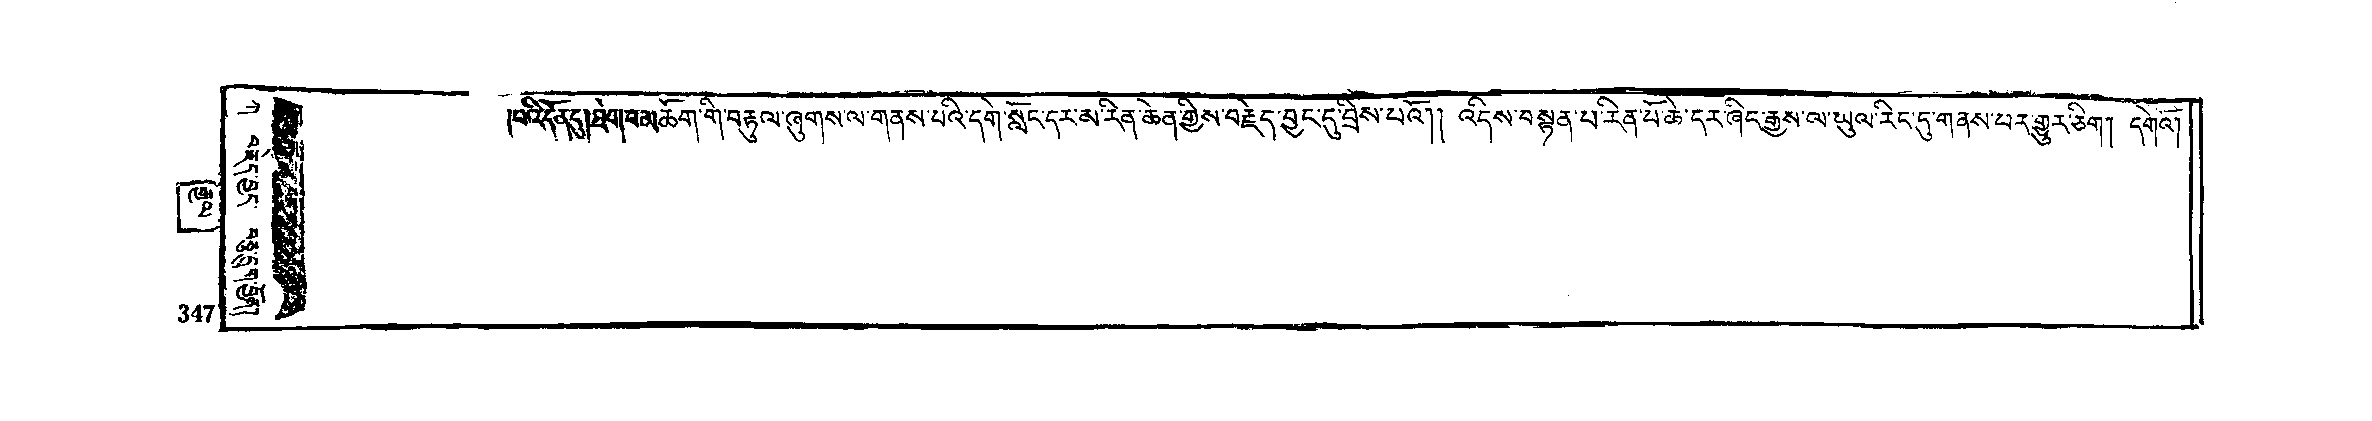༄༅། །པའི་དོན་དུ། ཐེག་པ་མཆོག་གི་བརྟུལ་ཞུགས་ལ་གནས་པའི་དགེ་སློང་དར་མ་རིན་ཆེན་གྱིས་བརྗེད་བྱང་དུ་བྲིས་པའོ། །འདིས་བསྟན་པ་རིན་པོ་ཆེ་དར་ཞིང་རྒྱས་ལ་ཡུལ་རིང་དུ་གནས་པར་གྱུར་ཅིག །དགེའོ། །